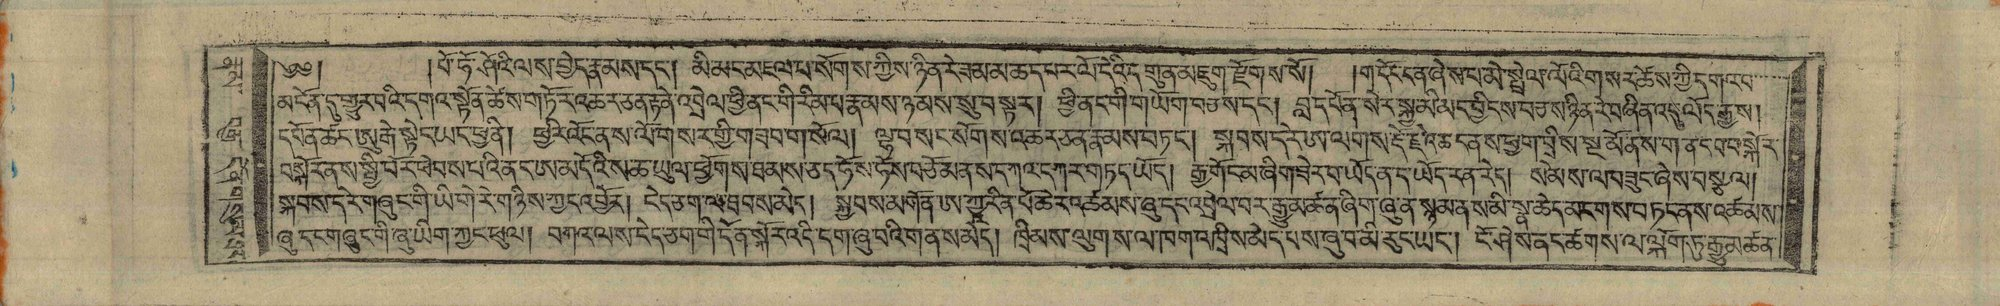༄༅། །པོ་ཧོ་ཤོའི་ལས་བྱེད་རྣམས་དང་། མི་མང་མཇལ་པ་སོགས་ཀྱིས་ཉིན་རེ་ཟམ་མ་ཆད་པར་ལོ་དེའི་དགུན་མཇུག་རྫོགས་སོ། །གདོང་ངན་ཞེས་པ་མེ་སྤྲེལ་ལོའི་གསར་ཚེས་ཀྱི་དགའ་བ་
མངོན་དུ་གྱུར་བའི་དགའ་སྟོན་ཚེས་གཏོར་འཆར་ཅན་རྟེན་འབྲེལ་ཕྱི་ནང་གི་རིམ་པ་རྣམས་ཉམས་སུ་བསྟར། ཕྱི་ནང་གི་གཡོག་བཅས་དང་། བླ་དཔོན་སེར་སྐྱ་མི་མང་བྱིངས་བཅས་ཉིན་རེ་བཞིན་འདུ་ལོང་རྒྱས།
དཔོན་ཚང་ཨུརྒེ་སྟེང་ཡང་ཕྱིན། ཕྱིར་འོང་ནས་ལོ་གསར་གྱི་གཟབ་གསོལ། ལྷ་བསང་སོགས་འཆར་ཅན་རྣམས་བཏང་། སྐབས་དེར་ཨ་ལགས་རྡོ་རྗེ་འཆང་ནས་ཕྱག་བྲིས་སྔ་མོ་ནས་གནང་བ་བསྐོར་
བསྐོར་ནས་སྤྱི་བོར་ཕེབས་པའི་ནང་ཨ་མདོའི་ས་ཆ་ཡུལ་ཕྱོགས་ཐམས་ཅད་ཧོས་ཧོས་བཅོམ་ནས་དཀའ་དཀར་གཏད་ཡོད། རྒྱ་གོང་མ་ཞིག་ཟེར་བ་ཡོད་ན་ད་ཡོད་རན་རེད། སེམས་ལ་བཟུང་ཞེས་བསྩལ།
སྐབས་དེར་གཞུང་གི་ཡི་གེ་རེ་གཉིས་ཀྱང་འབྱོར། ངེད་ཅག་ལ་ཐབས་མེད། སྐྱབས་མགོན་ཨ་ཀྱཱ་རིན་པོ་ཆེར་འཚམས་ཞུ་དང་འབྲེལ་བར་རྒྱུ་མཚན་ཞིག་ཞུ་ན་སྙམ་ནས་མི་སྣ་ཆེད་མངགས་བཏང་ནས་འཚམས་
ཞུ་དང་གཞུང་གི་ཞུ་ཡིག་ཀྱང་ཕུལ། བཀའ་ལས་ངེད་ཅག་གི་དོན་སྐོར་འདི་དག་ཞུ་བའི་གནས་མེད། ཁྲིམས་ལུགས་ལ་ཁག་འཁྲིས་མེད་པས་ཞུ་བ་མི་རུང་ཡང་། ངོ་ཤེས་ནང་ཚགས་ལ་ལྐོག་ཏུ་རྒྱུ་མཚན་